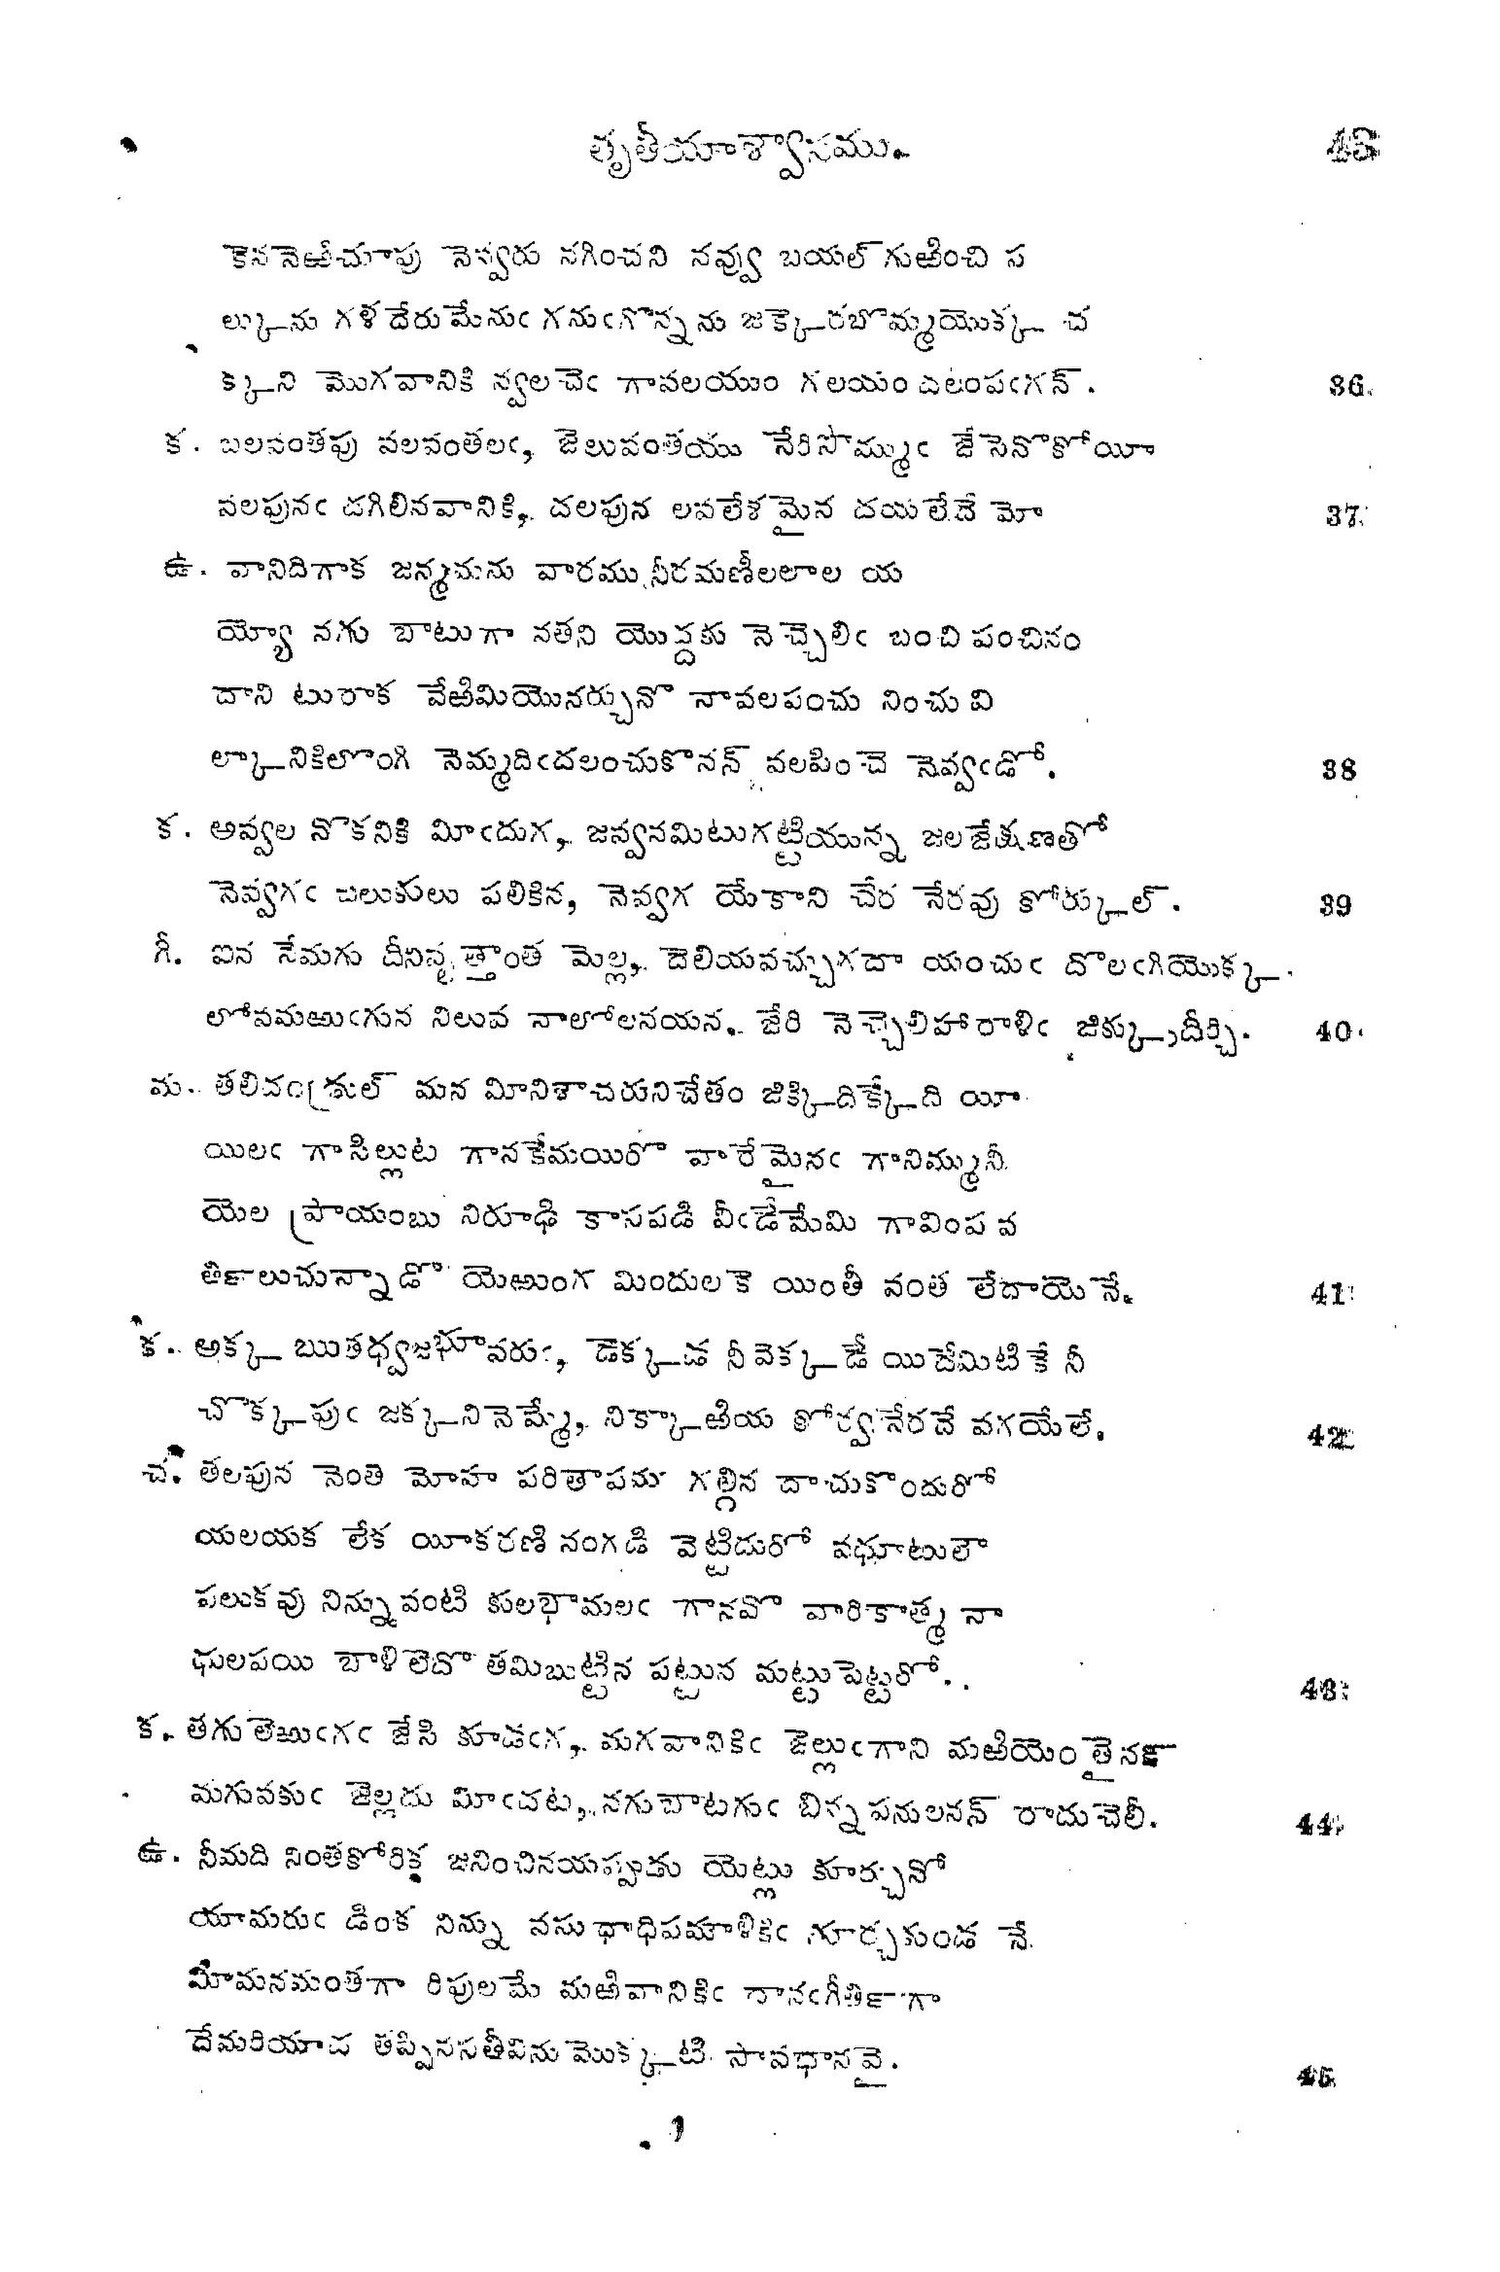కెన నెఱిచూపు నెవ్వరు నగించని నవ్వు బయల్ గుఱించి ప
ల్కును గళ దేరు మేనుఁ గనుఁగొన్నను జక్కెరబొమ్మయొక్క చ
క్కనిమొగవానికి న్వలచెఁ గావలయుం గలయం దలంపఁగన్.
క. బలవంతపు వలవంతలఁ, జెలువంతయు నేరి సొమ్ముఁ జేసెనొకో యీ
వలపునఁ దగిలినవానికి, దలపున లవలేశమైన దయ లేదేమో.
ఉ. వానిది గాక జన్మమనువారము నీరమణీలలాల య
య్యో నగుబాటుగా నతనియొద్దకు నెచ్చెలిఁ బంచి పంచినం
దా నిటు రాక వేఱిమి యొనర్చునొ నావలపంచు నించువి
ల్కానికి లొంగి నెమ్మదిఁ దలంచుకొనన్ వలపించె నెవ్వఁడో.
క. అవ్వల నొకనికి మీఁదుగ, జన్వన మిటు గట్టియున్న జలజేక్షణతో
నెవ్వగఁ పలుకులు పలికిన, నెవ్వగయే కాని చేరనేరవు కోర్కుల్.
గీ. ఐన నేమగు దీనివృత్తాంత మెల్ల, దెలియవచ్చుగదా యంచుఁ దొలఁగి యొక్క
లోవమఱుఁగున నిలువ నాలోలనయన, జేరి నెచ్చెలిహారాళిఁ జిక్కుఁ దీర్చి.
మ. తలివండ్రుల్ మన మీనిశాచరునిచేతం జిక్కి దిక్కేది యీ
యిలఁ గాసిల్లుట గానకేమయిరొ వారేమైనఁ గానిమ్ము నీ
యెలప్రాయంబు నిరూఢి కాసపడి వీఁ డేమేమి గావింప వ
ర్తిలుచున్నాడొ యెఱుంగ మిందులకె యింతీ వంత లేదాయెనే.
క. అక్క ఋతధ్వజభూవరుఁ డెక్కడ నీ వెక్కడే యి యేమిటికే నీ
చొక్కపుఁ జక్కనినెమ్మే, నిక్కాఱియ కోర్వనేరదే వగ యేలే.
చ. తలపున నెంతి మోహపరితాపము గల్గిన దాచుకొందురో
యలయక లేక యీకరణి నంగడి వెట్టిదురో వధూటులౌ
పలుకవు నిన్నువంటి కులభామలఁ గానవొ వారి కాత్మ నా
థులపయి బాళి లేదొ తమిబుట్టిన పట్టున మట్టుపెట్టరో.
క. తగు లెఱుఁగఁజేసి కూడఁగ, మగవానికిఁ జెల్లుఁ గాని మఱి యెంతైనన్
మగువకుఁ జెల్లదు మీఁదట, నగుబాటగుఁ బిన్నపను లనన్ రాదు చెలీ.
ఉ. నీమది నింతకోరిక జనించినయప్పుడు యెట్లు కూర్చునో
యామరుఁ డింక నిన్ను వసుధాధిపమౌళికఁ గూర్చకుండ నే
మీమనమంతగా రిపులమే మఱి వానికిఁ దానఁగీర్తి గా
దే మరియాద తప్పిన సతీ విను మొక్కటి సావధానవై.